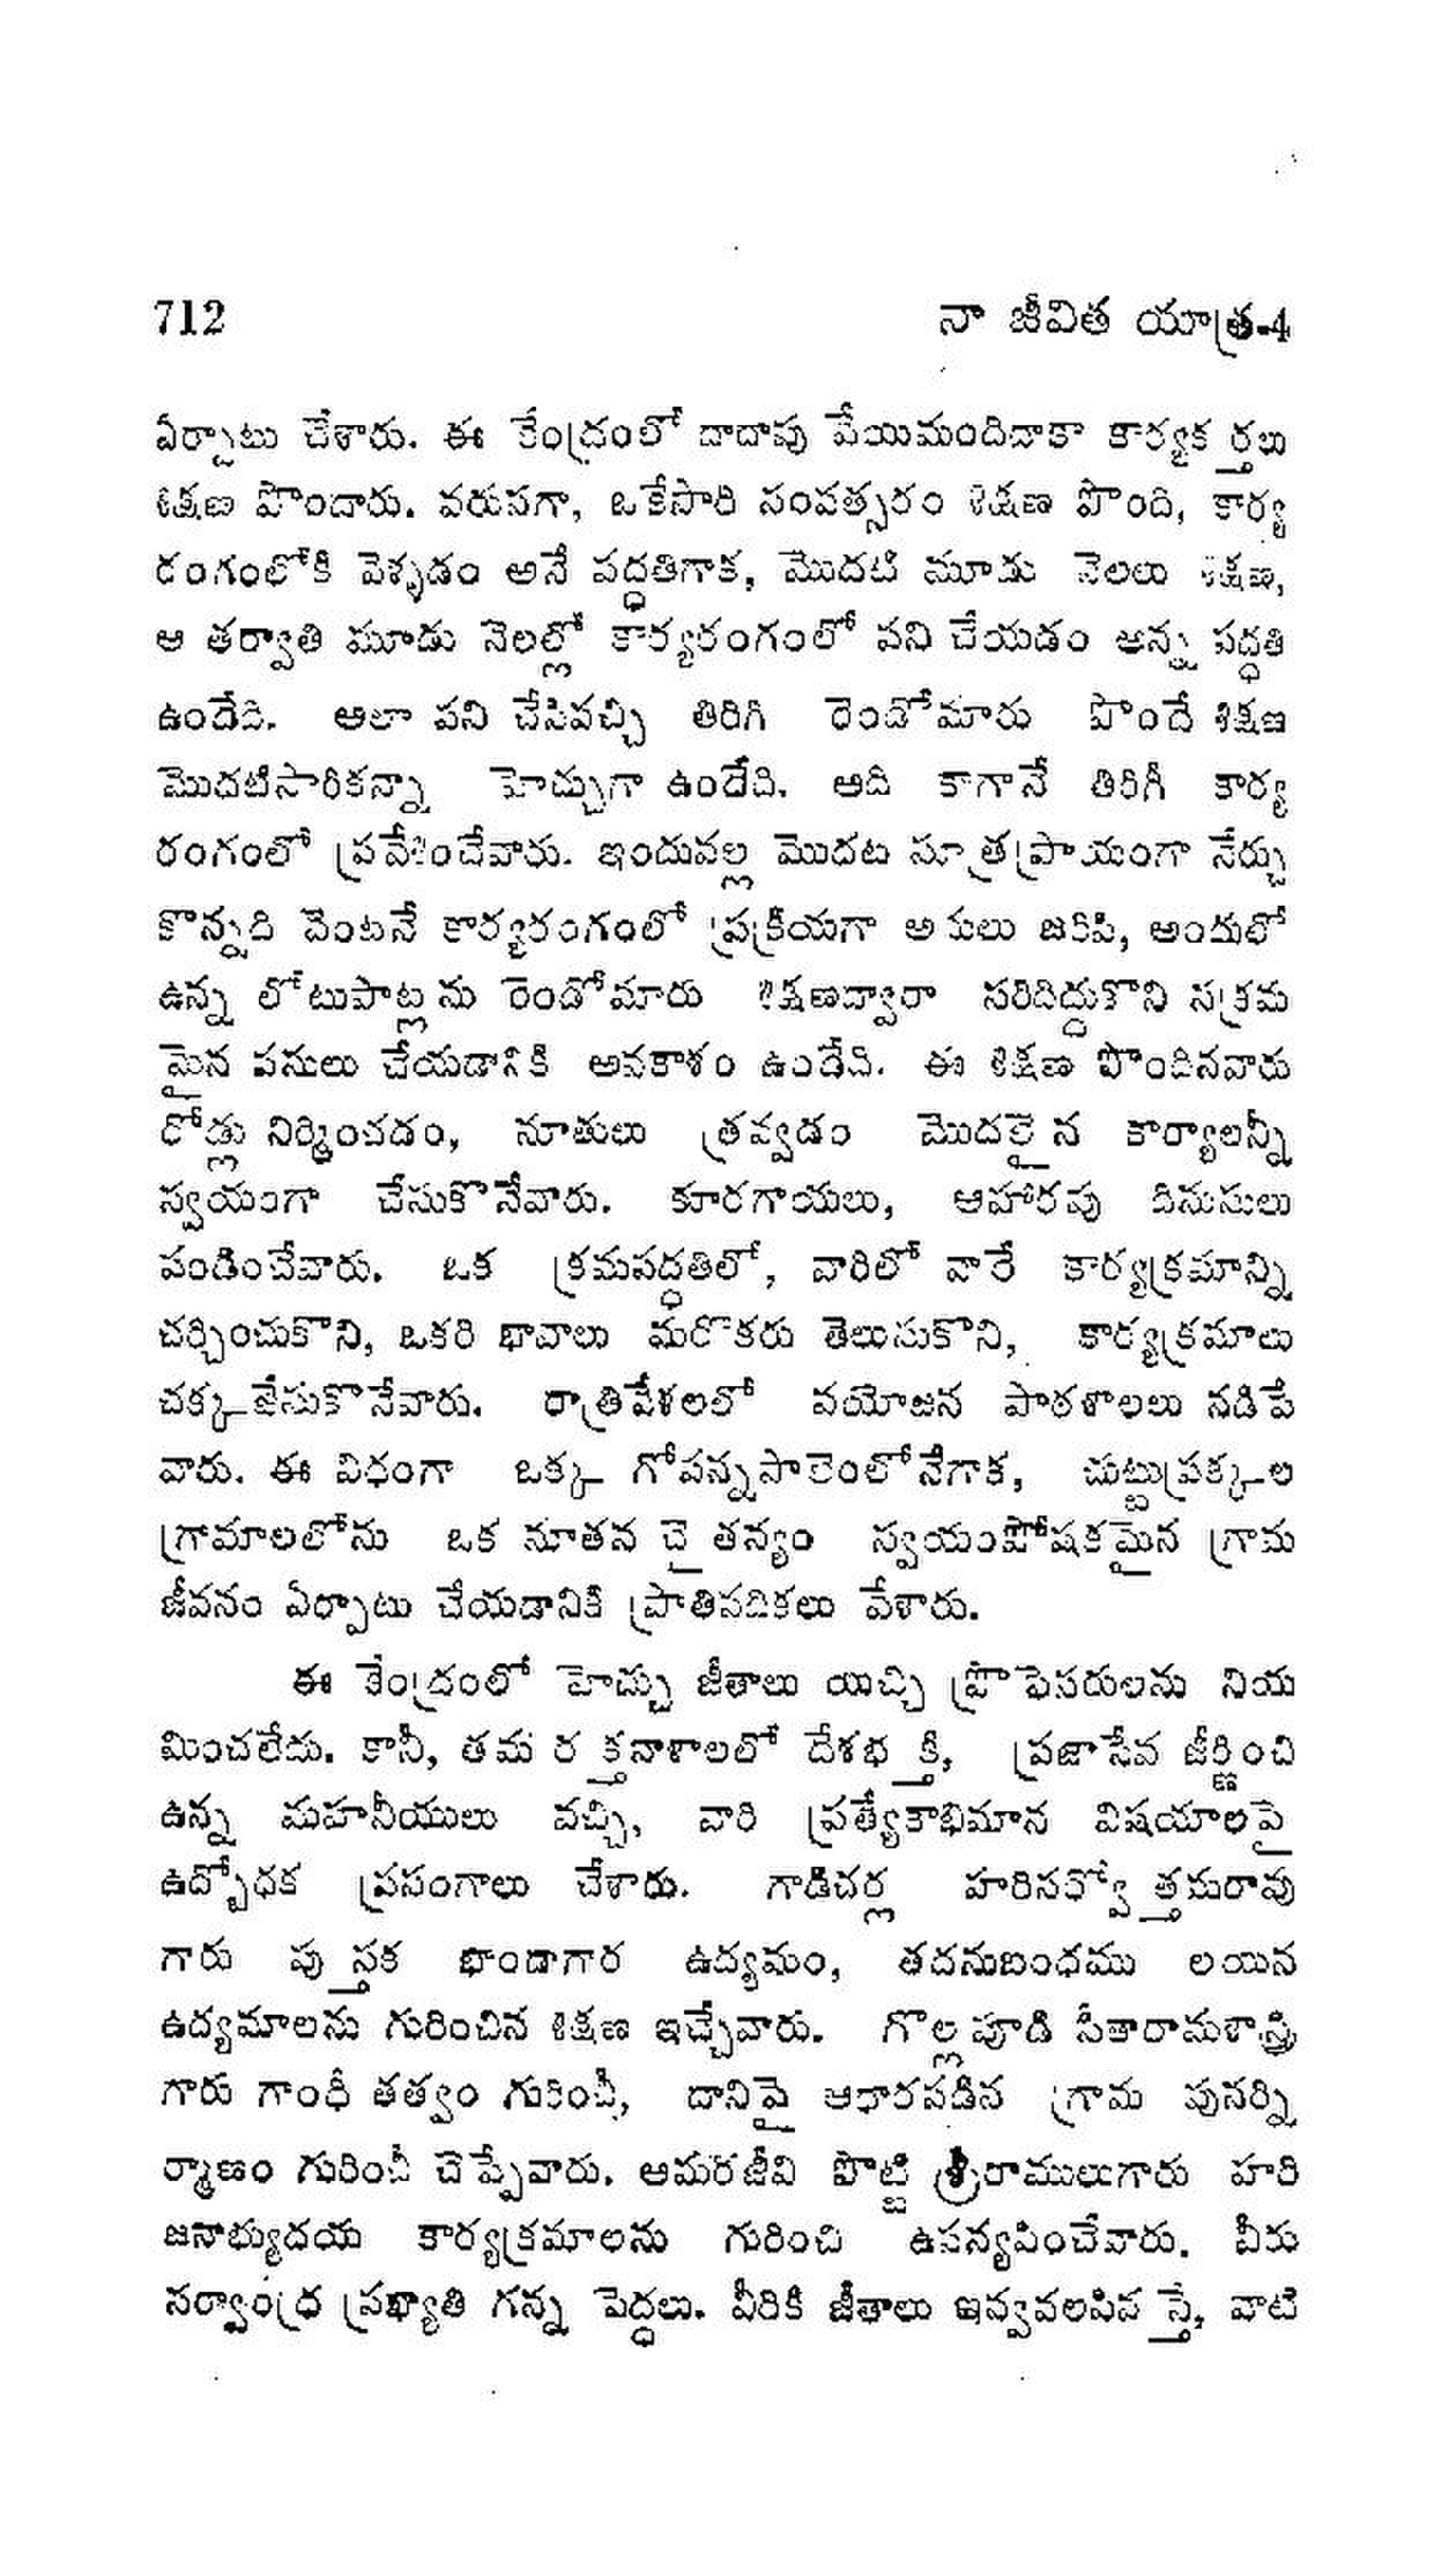ఏర్పాటు చేశారు. ఈ కేంద్రంలో దాదాపు వేయిమందిదాకా కార్యకర్తలు శిక్షణ పొందారు. వరుసగా, ఒకేసారి సంవత్సరం శిక్షణ పొంది, కార్యరంగంలోకి వెళ్ళడం అనే పద్ధతిగాక, మొదటి మూడు నెలలు శిక్షణ, ఆ తర్వాతి మూడు నెలల్లో కార్యరంగంలో పని చేయడం అన్న పద్ధతి ఉండేది. అలా పని చేసివచ్చి తిరిగి రెండోమారు పొందే శిక్షణ మొదటిసారికన్నా హెచ్చుగా ఉండేది. అది కాగానే తిరిగీ కార్యరంగంలో ప్రవేశించేవారు. ఇందువల్ల మొదట సూత్రప్రాయంగా నేర్చుకొన్నది వెంటనే కార్యరంగంలో ప్రక్రియగా అమలు జరిపి, అందులో ఉన్న లోటుపాట్లను రెండోమారు శిక్షణద్వారా సరిదిద్దుకొని సక్రమమైన పనులు చేయడానికి అవకాశం ఉండేది. ఈ శిక్షణ పొందినవారు రోడ్లు నిర్మించడం, నూతులు త్రవ్వడం మొదలైన కార్యాలన్నీ స్వయంగా చేసుకొనేవారు. కూరగాయలు, ఆహారపు దినుసులు పండించేవారు. ఒక క్రమపద్ధతిలో, వారిలో వారే కార్యక్రమాన్ని చర్చించుకొని, ఒకరి భావాలు మరొకరు తెలుసుకొని, కార్యక్రమాలు చక్కజేసుకొనేవారు. రాత్రివేళలలో వయోజన పాఠశాలలు నడిపేవారు. ఈ విధంగా ఒక్క గోపన్నపాలెంలోనేగాక, చుట్టుప్రక్కల గ్రామాలలోను ఒక నూతన చైతన్యం స్వయంపోషకమైన గ్రామ జీవనం ఏర్పాటు చేయడానికి ప్రాతిపదికలు వేశారు.

ఈ కేంద్రంలో హెచ్చు జీతాలు యిచ్చి ప్రొఫెసరులను నియమించలేదు. కానీ, తమ రక్తనాళాలలో దేశభక్తి, ప్రజాసేవ జీర్ణించి ఉన్న మహనీయులు వచ్చి, వారి ప్రత్యేకాభిమాన విషయాలపై ఉద్బోధక ప్రసంగాలు చేశారు. గాడిచర్ల హరిసర్వోత్తమరావు గారు పుస్తక భాండాగార ఉద్యమం, తదనుబంధము లయిన ఉద్యమాలను గురించిన శిక్షణ ఇచ్చేవారు. గొల్లపూడి సీతారామశాస్త్రి గారు గాంధీ తత్వం గురించీ, దానిపై ఆధారపడిన గ్రామ పునర్నిర్మాణం గురించీ చెప్పేవారు. అమరజీవి పొట్టి శ్రీరాములుగారు హరిజనాభ్యుదయ కార్యక్రమాలను గురించి ఉపన్యసించేవారు. వీరు సర్వాంధ్ర ప్రఖ్యాతి గన్న పెద్దలు. వీరికి జీతాలు ఇవ్వవలసివస్తే, వాటి